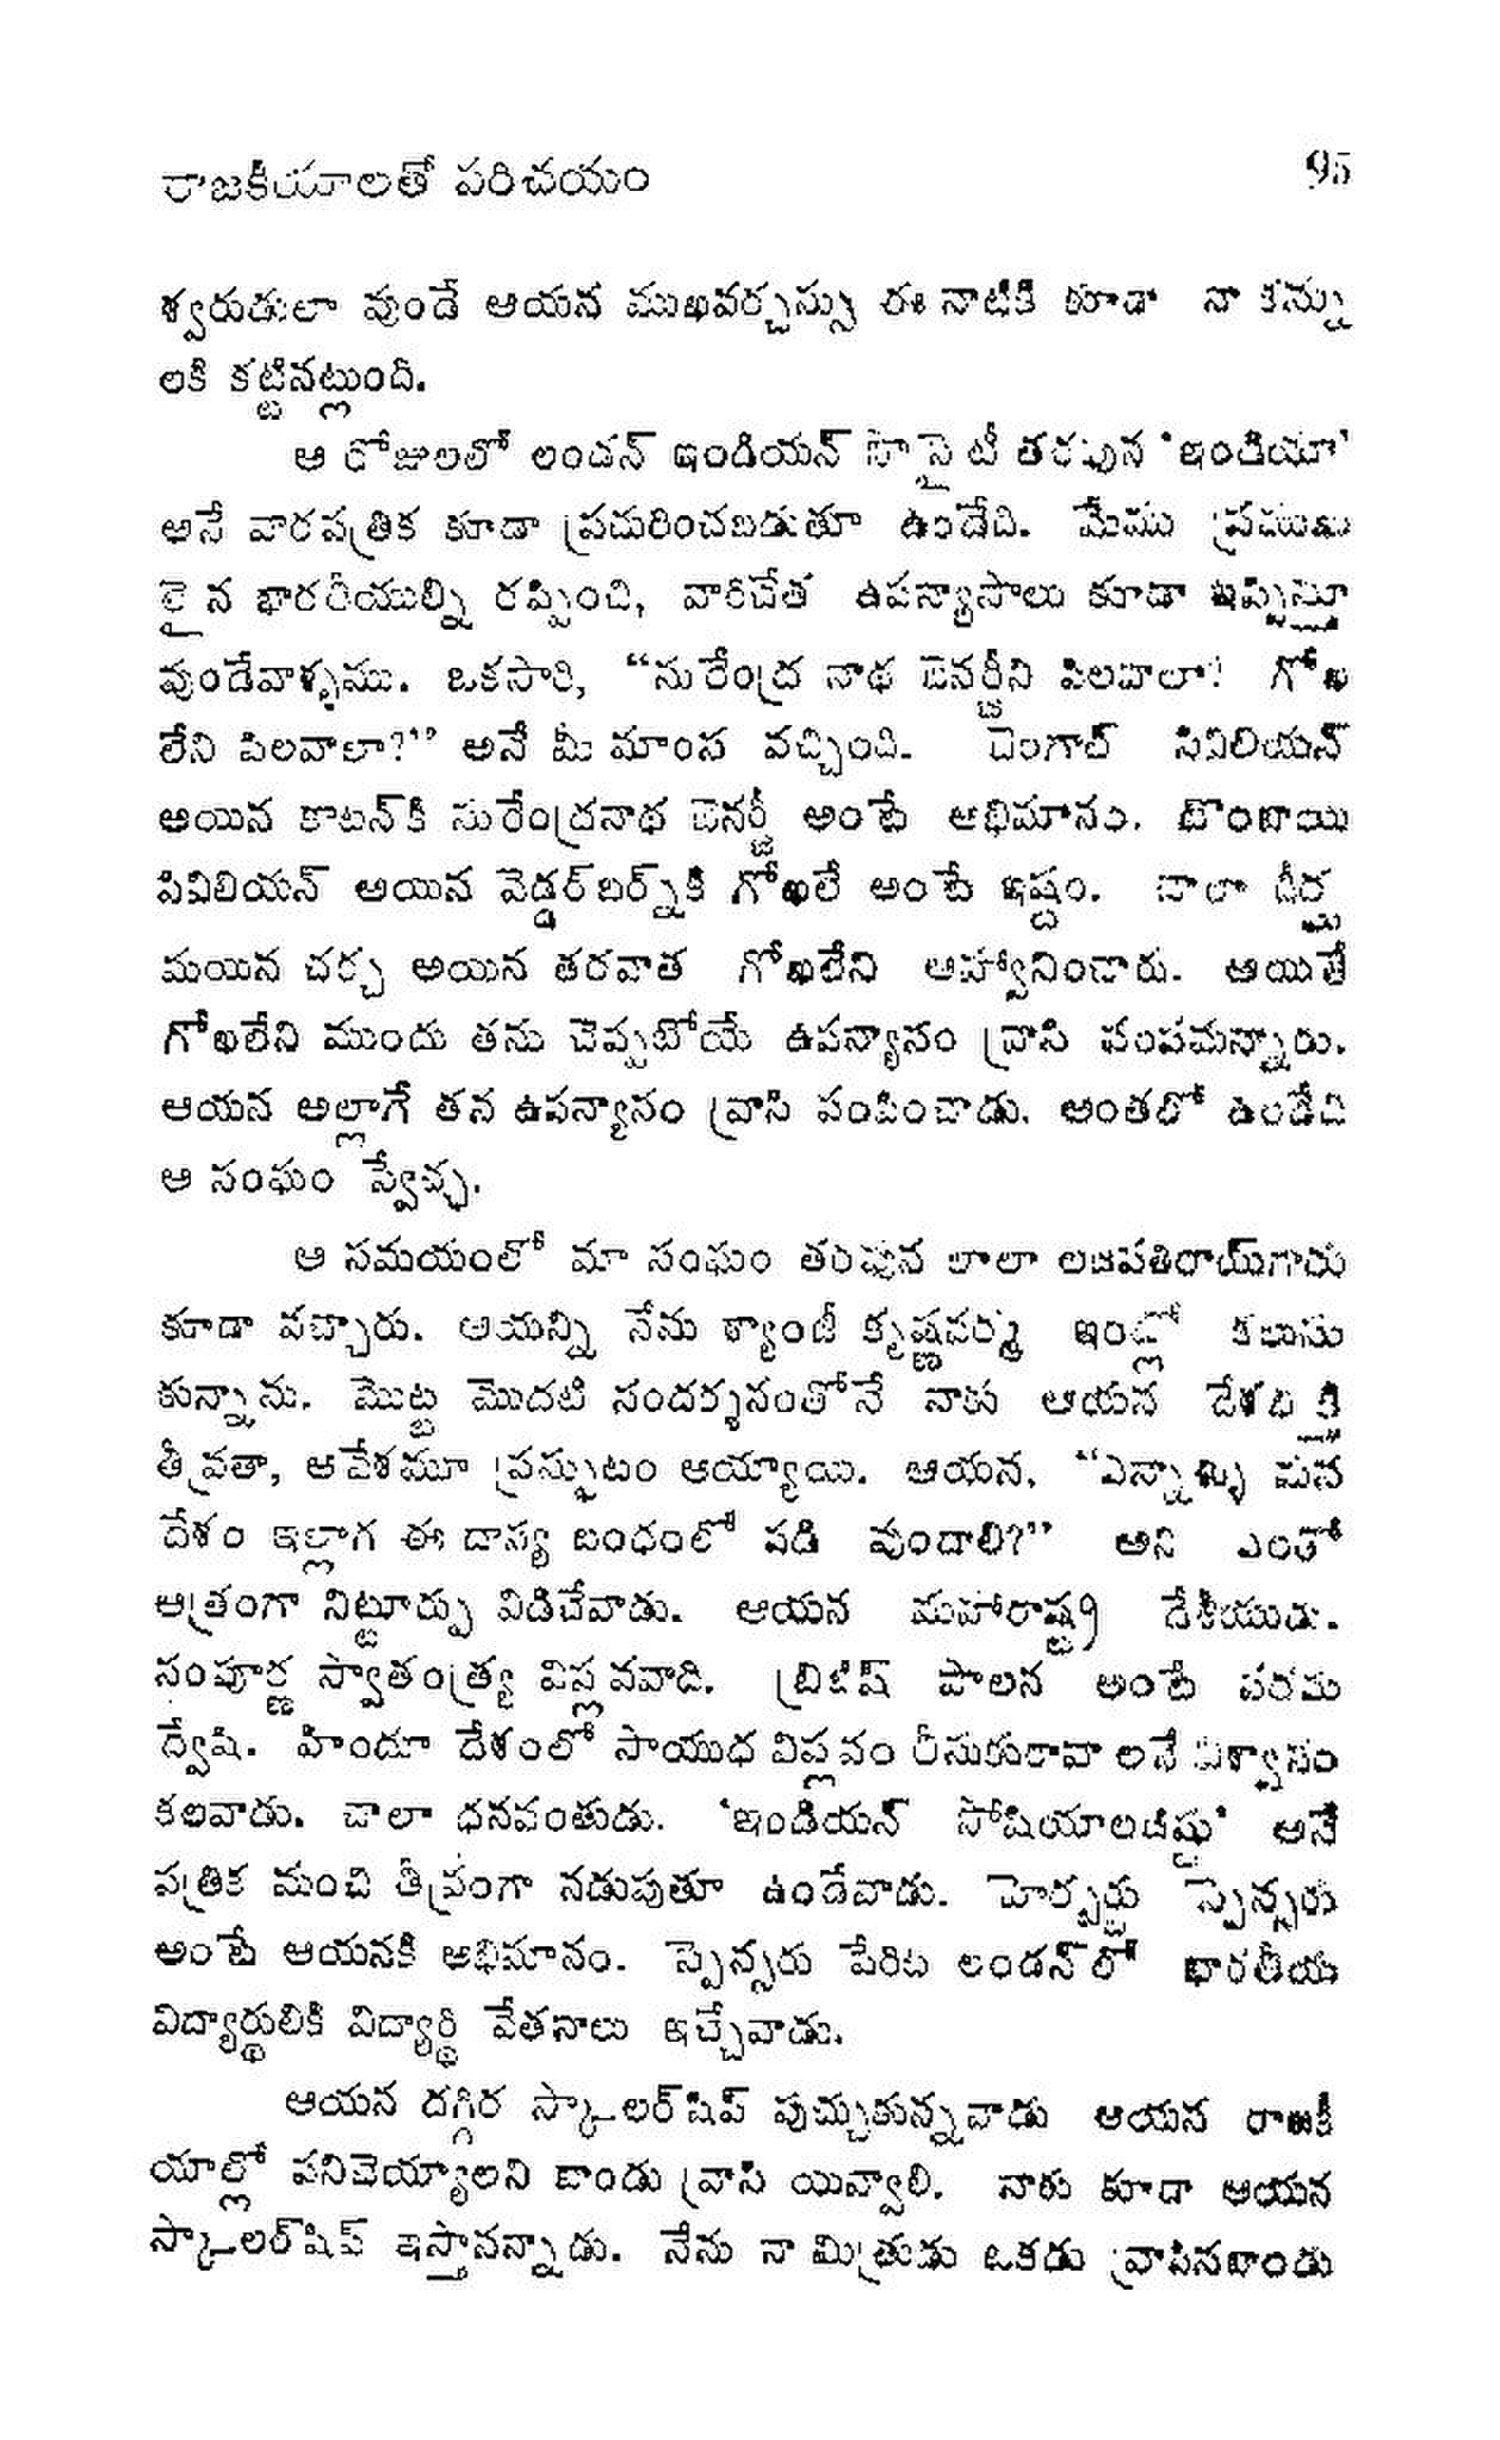శ్వరుడులా వుండే ఆయన ముఖవర్చస్సు ఈ నాటికి కూడా నా కన్నులకి కట్టినట్లుంది.

ఆ రోజులలో లండన్ ఇండియన్ సొసైటీ తరపున 'ఇండియా' అనే వారపత్రిక కూడా ప్రచురించబడుతూ ఉండేది. మేము ప్రముఖులైన భారతీయుల్ని రప్పించి, వారిచేత ఉపన్యాసాలు కూడా ఇప్పిస్తూ వుండేవాళ్ళము. ఒకసారి, "సురేంద్ర నాథ బెనర్జీని పిలవాలా! గోఖలేని పిలవాలా?" అనే మీ మాంస వచ్చింది. బెంగాల్ సివిలియన్ అయిన కాటన్‌కి సురేంద్రనాథ బెనర్జీ అంటే అభిమానం. బొంబాయి సివిలియన్ అయిన వెడ్డర్‌బర్న్‌కి గోఖలే అంటే ఇష్టం. చాలా దీర్ఘమయిన చర్చ అయిన తరవాత గోఖలేని ఆహ్వానించారు. అయితే గోఖలేని ముందు తను చెప్పబోయే ఉపన్యాసం వ్రాసి పంపమన్నారు. ఆయన అల్లాగే తన ఉపన్యాసం వ్రాసి పంపించాడు. అంతలో ఉండేది ఆ సంఘం స్వేచ్చ.

అ సమయంలో మా సంఘం తరపున లాలా లజపతిరాయ్‌గారు కూడా వచ్చారు. ఆయన్ని నేను శ్యాంజీ కృష్ణవర్మ ఇంట్లో కలుసుకున్నాను. మొట్ట మొదటి సందర్శనంతోనే నాకు ఆయన దేశభక్తి తీవ్రతా, ఆవేశమూ ప్రస్ఫుటం అయ్యాయి. ఆయన, "ఎన్నాళ్ళు మన దేశం ఇల్లాగ ఈ దాస్య బంధంలో పడి ఉండాలి?" అని ఎంతో ఆత్రంగా నిట్టూర్పు విడిచేవాడు. ఆయన మహారాష్ట్ర దేశీయుడు. సంపూర్ణ స్వాతంత్ర్య విప్లవవాది. బ్రిటిష్ పాలన అంటే పరమ ద్వేషి. హిందూ దేశంలో సాయుధ విప్లవం తీసుకురావాలనే విశ్వాసం కలవాడు. చాలా ధనవంతుడు. 'ఇండియన్ సోషియాలజిష్టు' అనే పత్రిక మంచి తీవ్రంగా నడుపుతూ ఉండేవాడు. హెర్బర్టు స్పెన్సరు అంటే ఆయనకి అభిమానం. స్పెన్సరు పేరిట లండన్‌లో భారతీయ విద్యార్థులికి విద్యార్థి వేతనాలు ఇచ్చేవాడు.

ఆయన దగ్గిర స్కాలర్‌షిప్ పుచ్చుకున్నవాడు ఆయన రాజకీయాల్లో పనిచెయ్యాలని బాండు వ్రాసి యివ్వాలి. నాకు కూడా ఆయన స్కాలర్‌షిప్ ఇస్తానన్నాడు. నేను నా మిత్రుడు ఒకడు వ్రాసినబాండు